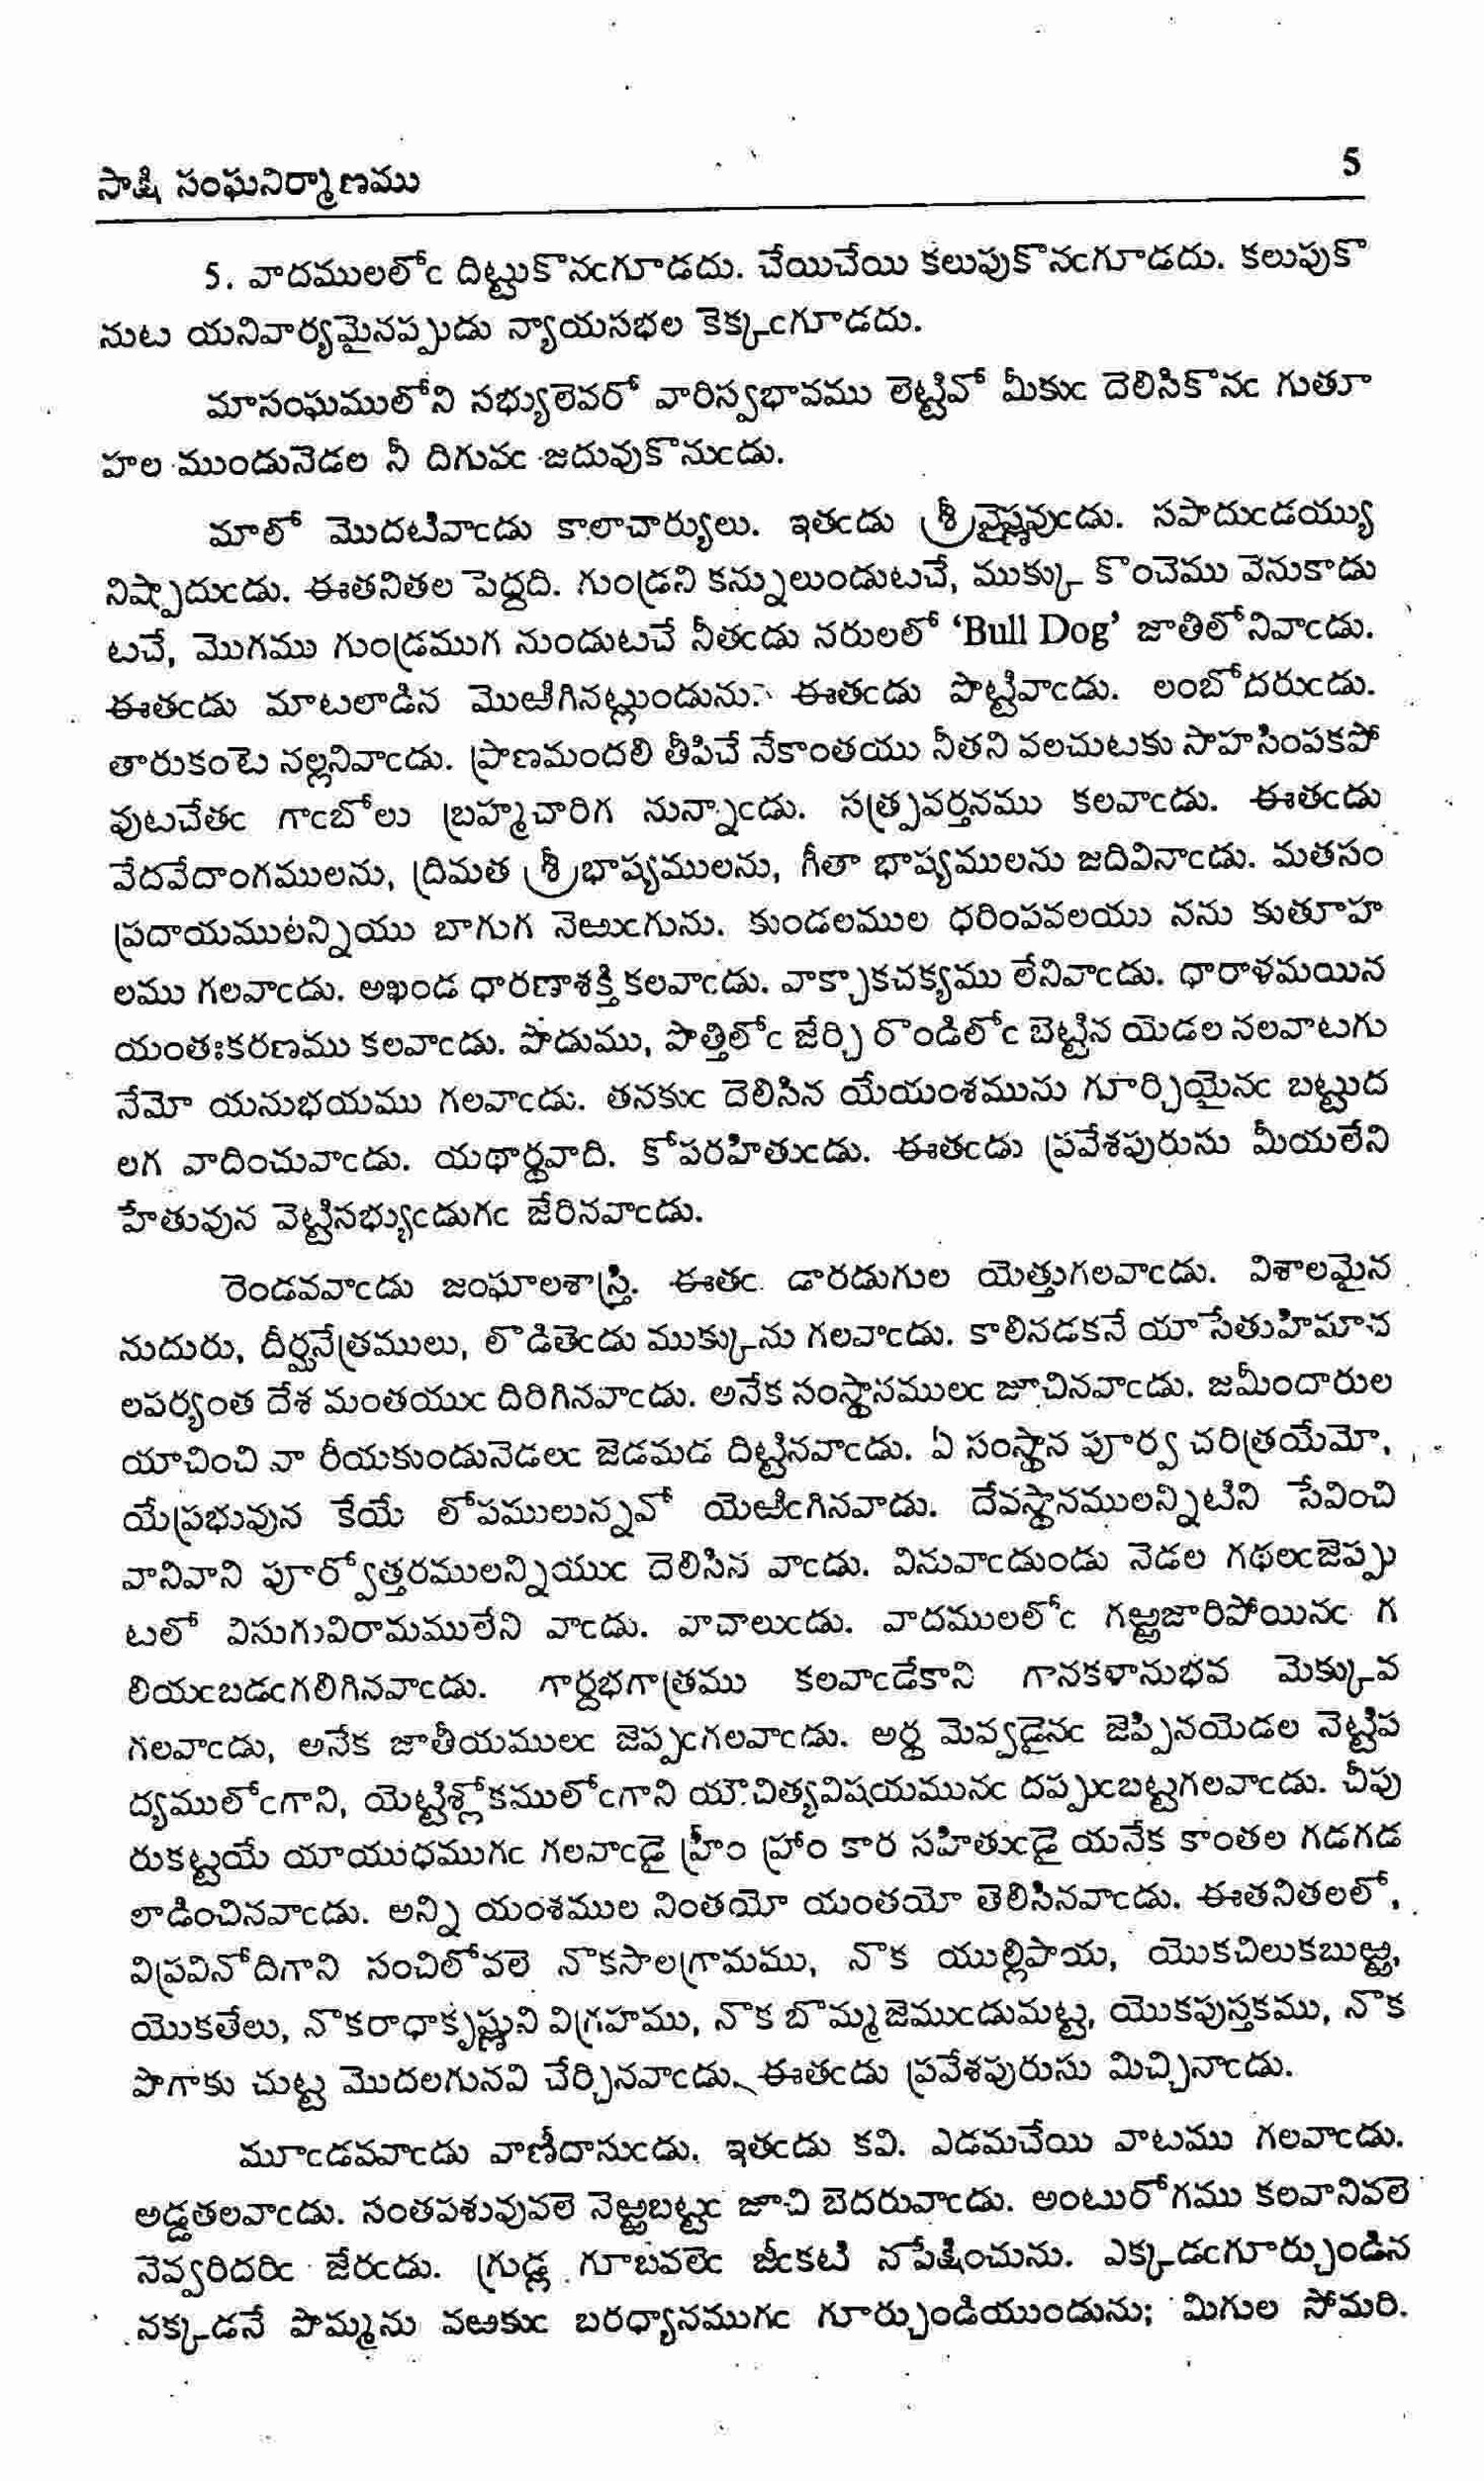5. వాదములలోఁ దిట్టుకొనఁగూడదు. చేయిచేయి కలుపుకొనఁగూడదు. కలుపుకొనుట యనివార్యమైనప్పుడు న్యాయసభల కెక్కఁగూడదు.

మాసంఘములోని సభ్యులెవరో వారి స్వభావము లెట్టివో మీకుఁ దెలిసికొనఁ గుతూహల ముండునెడల నీ దిగువ -జదువుకొనుఁడు.

మాలో మొదటివాఁడు కాలాచార్యులు. ఇతఁడు శ్రీవైష్ణవుఁడు. సపాదుఁడయ్యు నిష్పాదుఁడు. ఈతనితల పెద్దది. గుండ్రని కన్నులుండుటచే, ముక్కు కొంచెము వెనుకాడుటచే, మొగము గుండ్రముగ నుండుటచే నీతఁడు నరులలో 'Bull Dog' జాతీలోనివాఁడు. ఈతఁడు మాటలాడిన మొఱిగినట్లుండును. ఈతఁడు పొట్టివాఁడు. లంబోదరుఁడు. తారుకంటె నల్లనివాఁడు. ప్రాణమందలి తీపిచే నేకాంతయు నీతని వలచుటకు సాహసింపకపోవుటచేతఁ గాఁబోలు బ్రహ్మచారిగ నున్నాఁడు. సత్ప్రవర్తనము కలవాఁడు. ఈతఁడు వేదవేదాంగములను, ద్రిమత శ్రీభాష్యములను, గీతా భాష్యములను జదివినాఁడు. మతసంప్రదాయములన్నియు బాగుగ నెఱుఁగును. కుండలముల ధరింపవలయు నను కుతూహలము గలవాఁడు. అఖండ ధారణాశక్తి కలవాఁడు. వాక్చాకచక్యము లేనివాఁడు. ధారాళమయిన
యంతఃకరణము కలవాఁడు. పొడుము, పొత్తిలోఁ జేర్చి రొండిలోఁ బెట్టిన యెడల నలవాటగునేమో యనుభయము గలవాఁడు. తనకుఁ దెలిసిన యేయంశమును గూర్చియైనఁ బట్టుదలగ వాదించువాఁడు. యథార్థవాది. కోపరహితుఁడు. ఈతఁడు ప్రవేశపురుసు మీయలేని హేతువున వెట్టిసభ్యుఁడుగఁ జేరినవాఁడు.

రెండవవాఁడు జంఘాలశాస్త్రి. ఈతఁ. డారడుగుల యెత్తుగలవాఁడు. విశాలమైన నుదురు, దీర్ఘనేత్రములు, లొడితెఁడు ముక్కును గలవాఁడు. కాలినడకనే యాసేతుహిమాచలపర్యంత దేశ మంతయుఁ దిరిగినవాఁడు. అనేక సంస్థానములఁ జూచినవాఁడు. జమీందారుల యాచించి వా రీయకుండునెడలఁ జెడమడ దిట్టినవాఁడు. ఏ సంస్థాన పూర్వ చరిత్రయేమో, యేప్రభువున కేయే లోపములున్నవో యెఱిఁగినవాడు. దేవస్థానములన్నిటిని సేవించి వానివాని పూర్వోత్తరములన్నియుఁ దెలిసిన వాఁడు. వినువాఁడుండు నెడల గథలఁజెప్పుటలో విసుగువిరామములేని వాఁడు. వాచాలుఁడు. వాదములలోఁ గఱ్ఱజారిపోయినఁ గలియఁబడఁగలిగినవాఁడు. గార్దభగాత్రము కలవాఁడేకాని గానకళానుభవ మెక్కువ గలవాఁడు, అనేక జాతీయములఁ జెప్పఁగలవాఁడు. అర్థ మెవ్వడైనఁ జెప్పినయెడల నెట్టిపద్యములోఁగాని, యెట్టిశ్లోకములోఁగాని యౌచిత్యవిషయమునఁ దప్పుఁబట్టగలవాఁడు. చీపురుకట్టయే యాయుధముగఁ గలవాఁడై హ్రీం హ్రాం కార సహితుఁడై యనేక కాంతల గడగడ లాడించినవాఁడు. అన్ని యంశముల నింతయో యంతయో తెలిసినవాఁడు. ఈతనితలలో, విప్రవినోదిగాని సంచిలోవలె నొకసాలగ్రామము, నొక యుల్లిపాయ, యొకచిలుకబుఱ్ఱ,
యొకతేలు, నొకరాధాకృష్ణుని విగ్రహము, నొక బొమ్మజెముఁడుమట్ట, యొకపుస్తకము, నొక పొగాకు చుట్ట మొదలగునవి చేర్చినవాఁడు. ఈతఁడు ప్రవేశపురుసు మిచ్చినాఁడు.

మూఁడవవాఁడు వాణీదాసుఁడు. ఇతఁడు కవి. ఎడమచేయి వాటము గలవాఁడు. అడ్డతలవాఁడు. సంతపశువువలె నెఱ్ఱబట్టఁ జూచి బెదరువాఁడు. అంటురోగము కలవానివలె నెవ్వరిదరిఁ జేరఁడు. గ్రుడ్ల గూబవలెఁ జీఁకటి నపేక్షించును. ఎక్కడఁగూర్చుండిన నక్కడనే పొమ్మను వఱకుఁ బరధ్యానముగఁ గూర్చుండియుండును; మిగుల సోమరి.